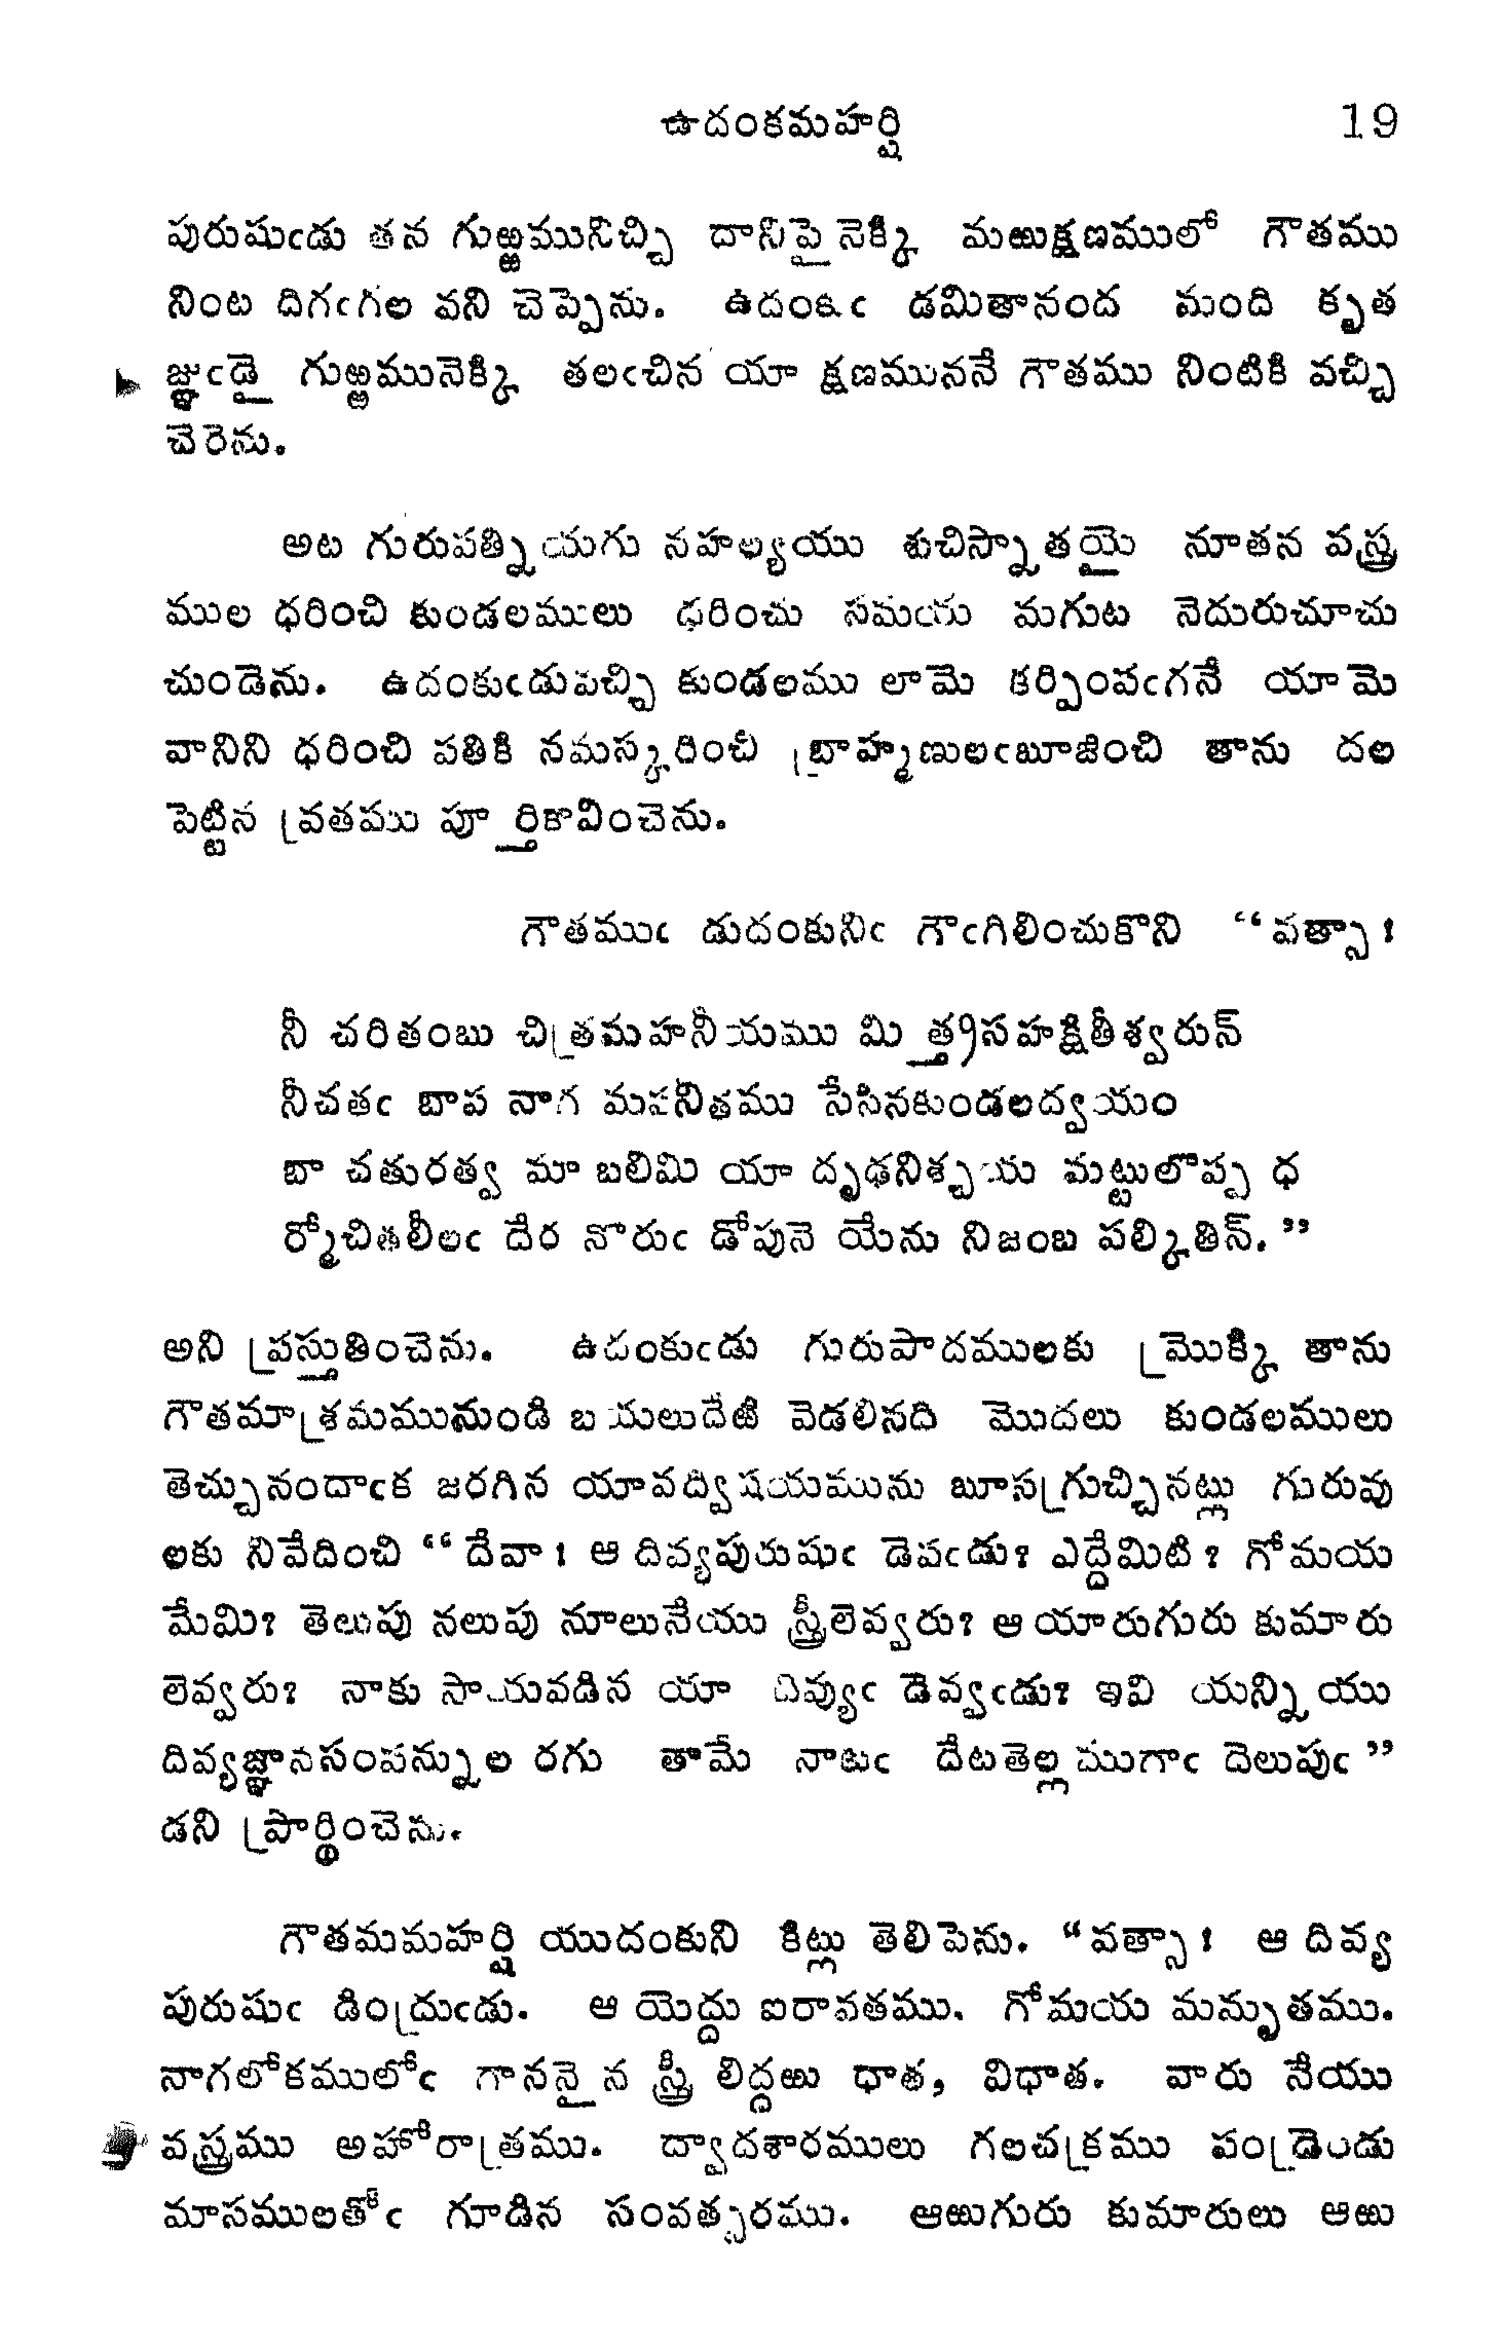పురుషుఁడు తన గుఱ్ఱమునిచ్చి దానిపై సెక్కి మఱుక్షణములో గౌతమునింట దిగఁగల వని చెప్పెను. ఉదంకుఁ డమితానంద మంది కృతజ్ఞుఁడై గుఱ్ఱమునెక్కి తలఁచిన యా క్షణముననే గౌతము నింటికి వచ్చి చేరెను.

అట గురుపత్ని యగు నహల్యయు శుచిస్నాతయై నూతన వస్త్రముల ధరించి కుండలములు ధరించు సమఁయ మగుట నెదురుచూచు చుండెను. ఉదంకుఁడువచ్చి కుండలము లామె కర్పింపఁగనే యామె వానిని ధరించి పతికి నమస్కరించి బ్రాహ్మణులఁ బూజించి తాను దలపెట్టిన వ్రతము పూర్తికావించెను.

గౌతముఁ డుదంకునిఁ గౌఁగిలించుకొని “వత్సా! 

నీ చరితంబు చిత్రమహనీయము మిత్త్రసహక్షితీశ్వరున్ 
నీచతఁ బాప నాగ మపనితము సేసినకుండలద్వయం 
బా చతురత్వ మా బలిమి యా దృఢనిశ్చయ మట్టులొప్ప ధ 
ర్మోచితలీలఁ దేర నొరుఁ డోపునె యేను నిజంబ పల్కితిన్. ”
అని ప్రస్తుతించెను. ఉదంకుఁడు గురుపాదములకు మ్రొక్కి తాను గౌతమాశ్రమమునుండి బయలుదేఱి వెడలినది మొదలు కుండలములు తెచ్చునందాఁక జరగిన యావద్విషయమును బూసగ్రుచ్చినట్లు గురువులకు నివేదించి " దేవా ! ఆ దివ్యపురుషుఁ డెవఁడు? ఎద్దేమిటి ? గోమయ మేమి? తెలుపు నలుపు నూలునేయు స్త్రీలెవ్వరు? ఆ యారుగురు కుమారు లెవ్వరు? నాకు సాయువడిన యా దివ్యుఁ డెవ్వఁడు? ఇవి యన్ని యు దివ్యజ్ఞానసంపన్నుల రగు తామే నాటఁ దేటతెల్లముగాఁ దెలుపుఁ” డని ప్రార్థించెను.

గౌతమమహర్షి యుదంకుని కిట్లు తెలిపెను. "వత్సా! ఆ దివ్య పురుషుఁ డింద్రుఁడు. ఆ యెద్దు ఐరావతము, గోమయ మమృతము. నాగలోకములోఁ గాననైన స్త్రీ లిద్దఱు ధాత, విధాత. వారు నేయు వస్త్రము అహోరాత్రము. ద్వాదశారములు గలచక్రము పండ్రెండు మాసములతోఁ గూడిన సంవత్సరము. ఆఱుగురు కుమారులు ఆఱు